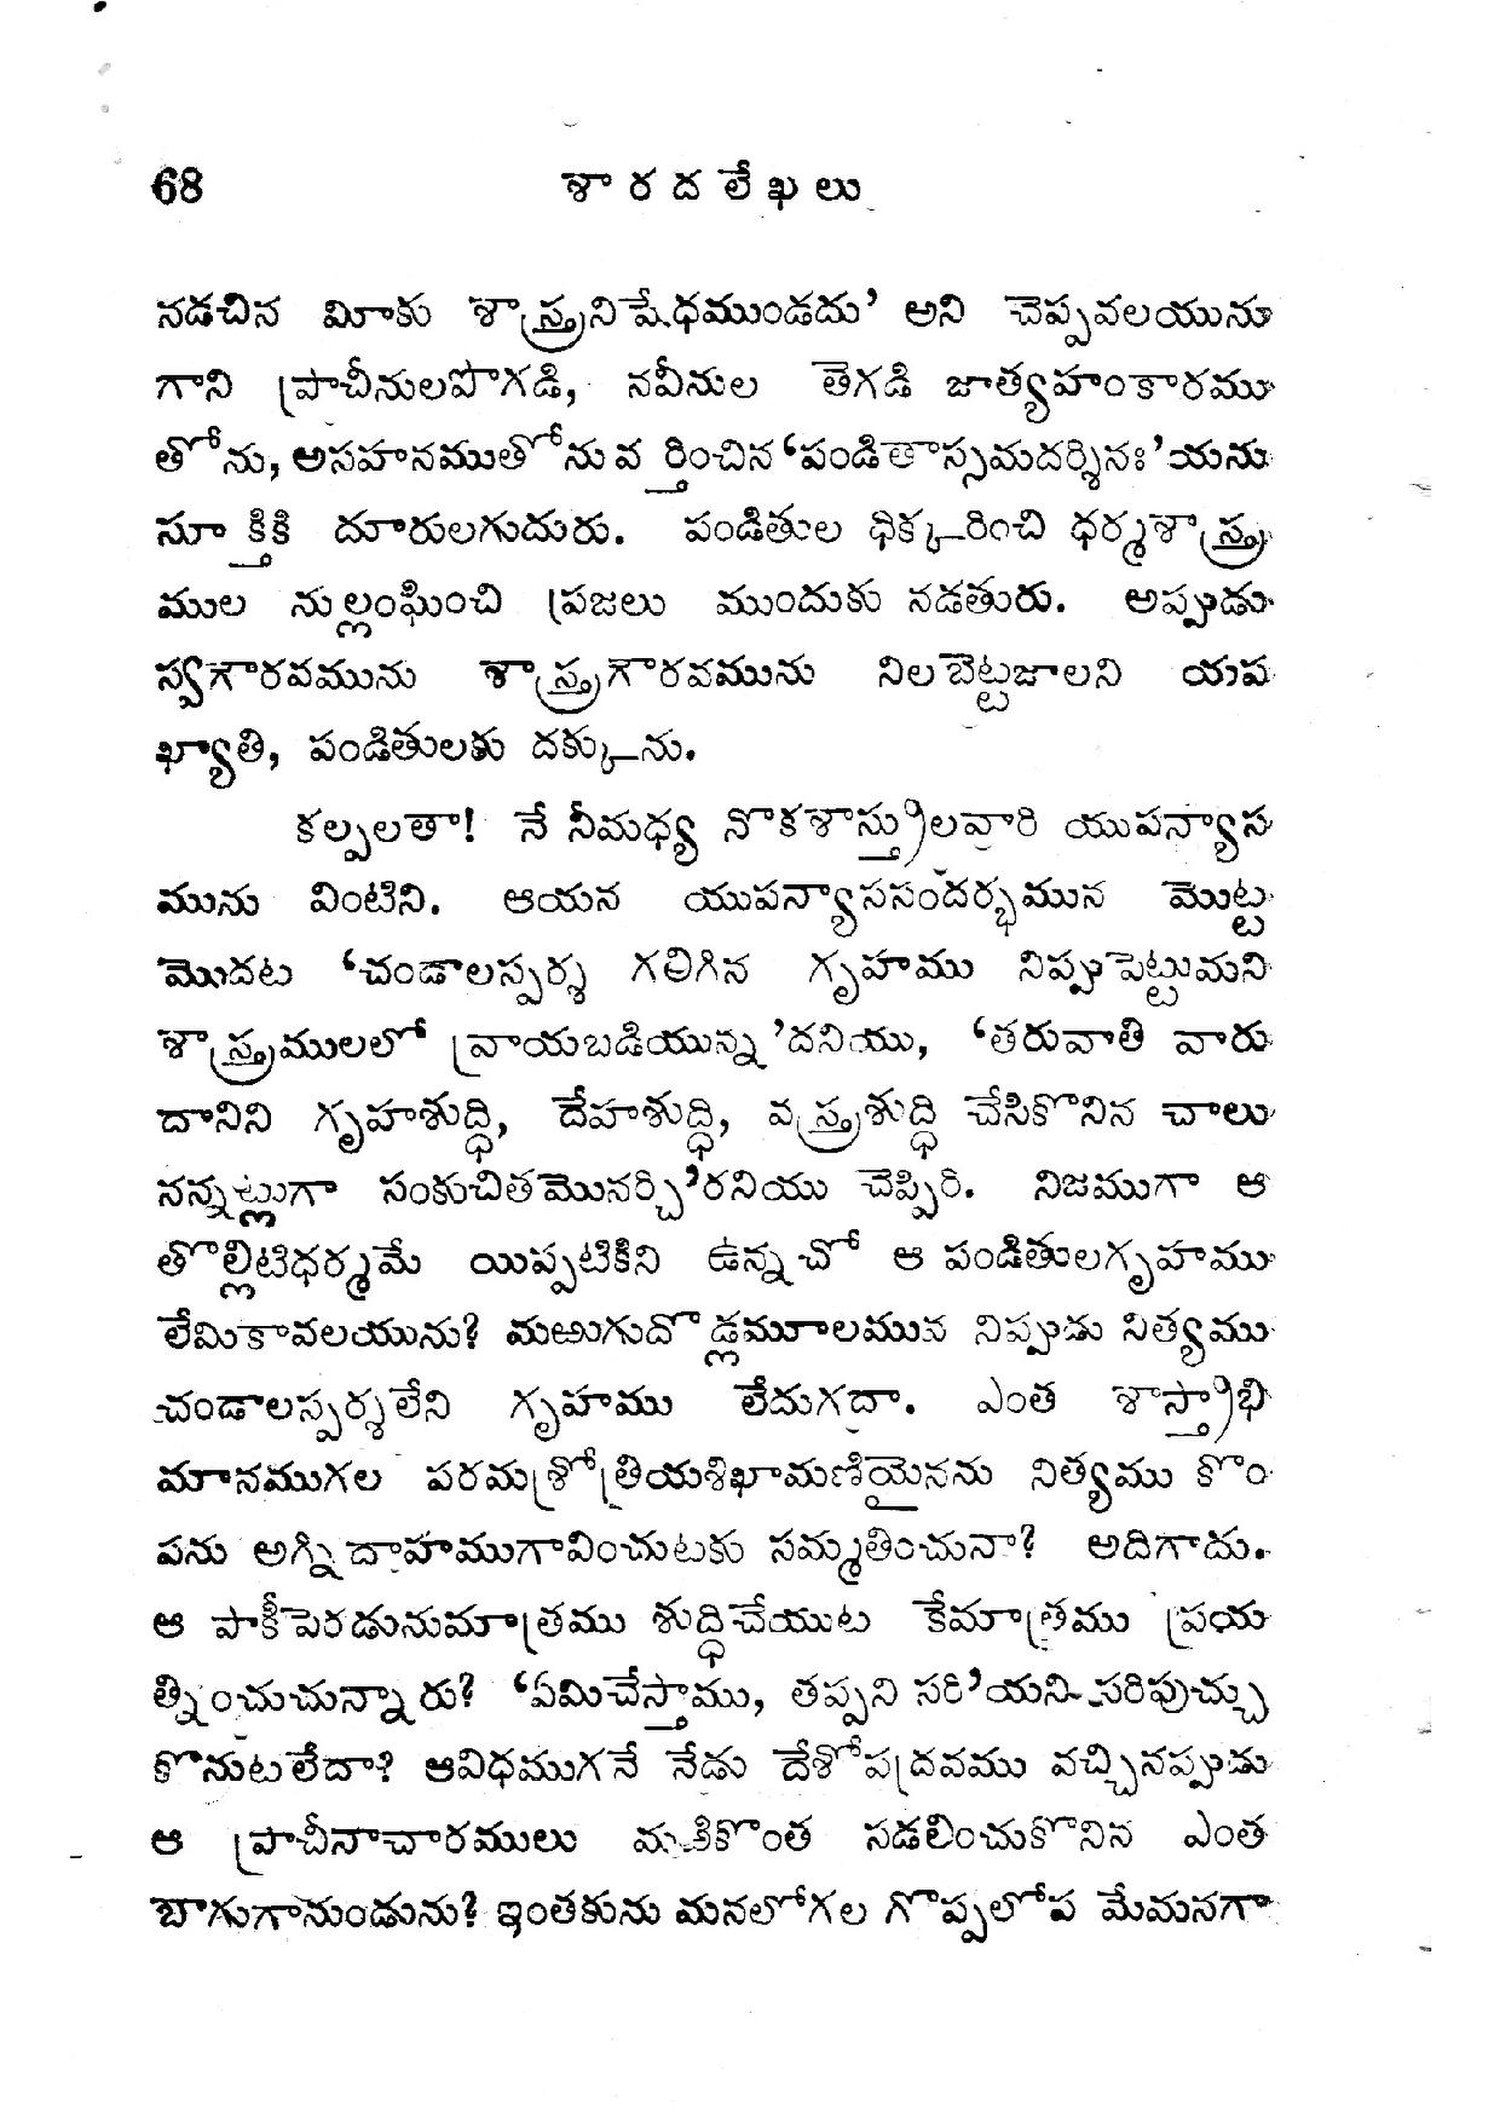నడచిన మీకు శాస్త్రనిషేధముండదు' అని చెప్పవలయును
గాని ప్రాచీనులపొగడి, నవీనులు తెగడి జాత్యహంకారము
తోను, అసహనముతోను వర్తించిన 'పండితాస్సమదర్శినః ' యను
సూ క్తికి దూరులగుదురు. పండితుల ధిక్కరించి ధర్మశాస్త్ర
ముల నుల్లంఘించి ప్రజలు ముందుకు నడతురు. అప్పుడు
స్వగౌరవమును శాస్త్ర గౌరవమును నిలబెట్టజాలని యప 
ఖ్యాతి, పండితులకు దక్కును.
కల్పలతా! నే నీమధ్య నొకశాస్త్రులవారి యుపన్యాస
మును వింటిని. ఆయన యుపన్యాససందర్భమున మొట్ట
మొదట 'చండాల స్పర్శ గలిగిన గృహము నిప్పుపెట్టుమని
శాస్త్రములలో వ్రాయబడియున్న 'దనియు, 'తరువాతి వారు
దానిని గృహశుద్ధి, దేహశుద్ధి, వస్త్రశుద్ధి చేసికొనిన చాలు
నన్నట్లుగా సంకుచితమొనర్చి' రనియు చెప్పిరి. నిజముగా ఆ
తొల్లిటిధర్మమే యిప్పటికిని ఉన్నచో ఆ పండితులగృహము
లేమికావలయును? మఱుగుదొడ్లమూలమున నిప్పుడు నిత్యము
చండాల స్పర్శలేని గృహము లేదుగదా. ఎంత శాస్త్రాభి
మానముగల పరమశ్రోత్రియశిఖామణియైనను నిత్యము కొం
పను అగ్ని దాహముగావించుటకు సమ్మతించునా? అదిగాదు.
ఆ పాకీ పెరడునుమాత్రము శుద్ధిచేయుట కేమాత్రము ' ప్రయ
త్నించుచున్నారు? 'ఏమిచేస్తాము, తప్పని సరి' యని సరిపుచ్చు
కొనుటలేదా? ఆవిధముగనే నేడు దేశోపద్రవము వచ్చినప్పుడు
ఆ ప్రాచీనాచారములు మరికొంత సడలించుకొనిన ఎంత
బాగుగానుండును? ఇంతకును మనలోగల గొప్పలోప మేమనగా